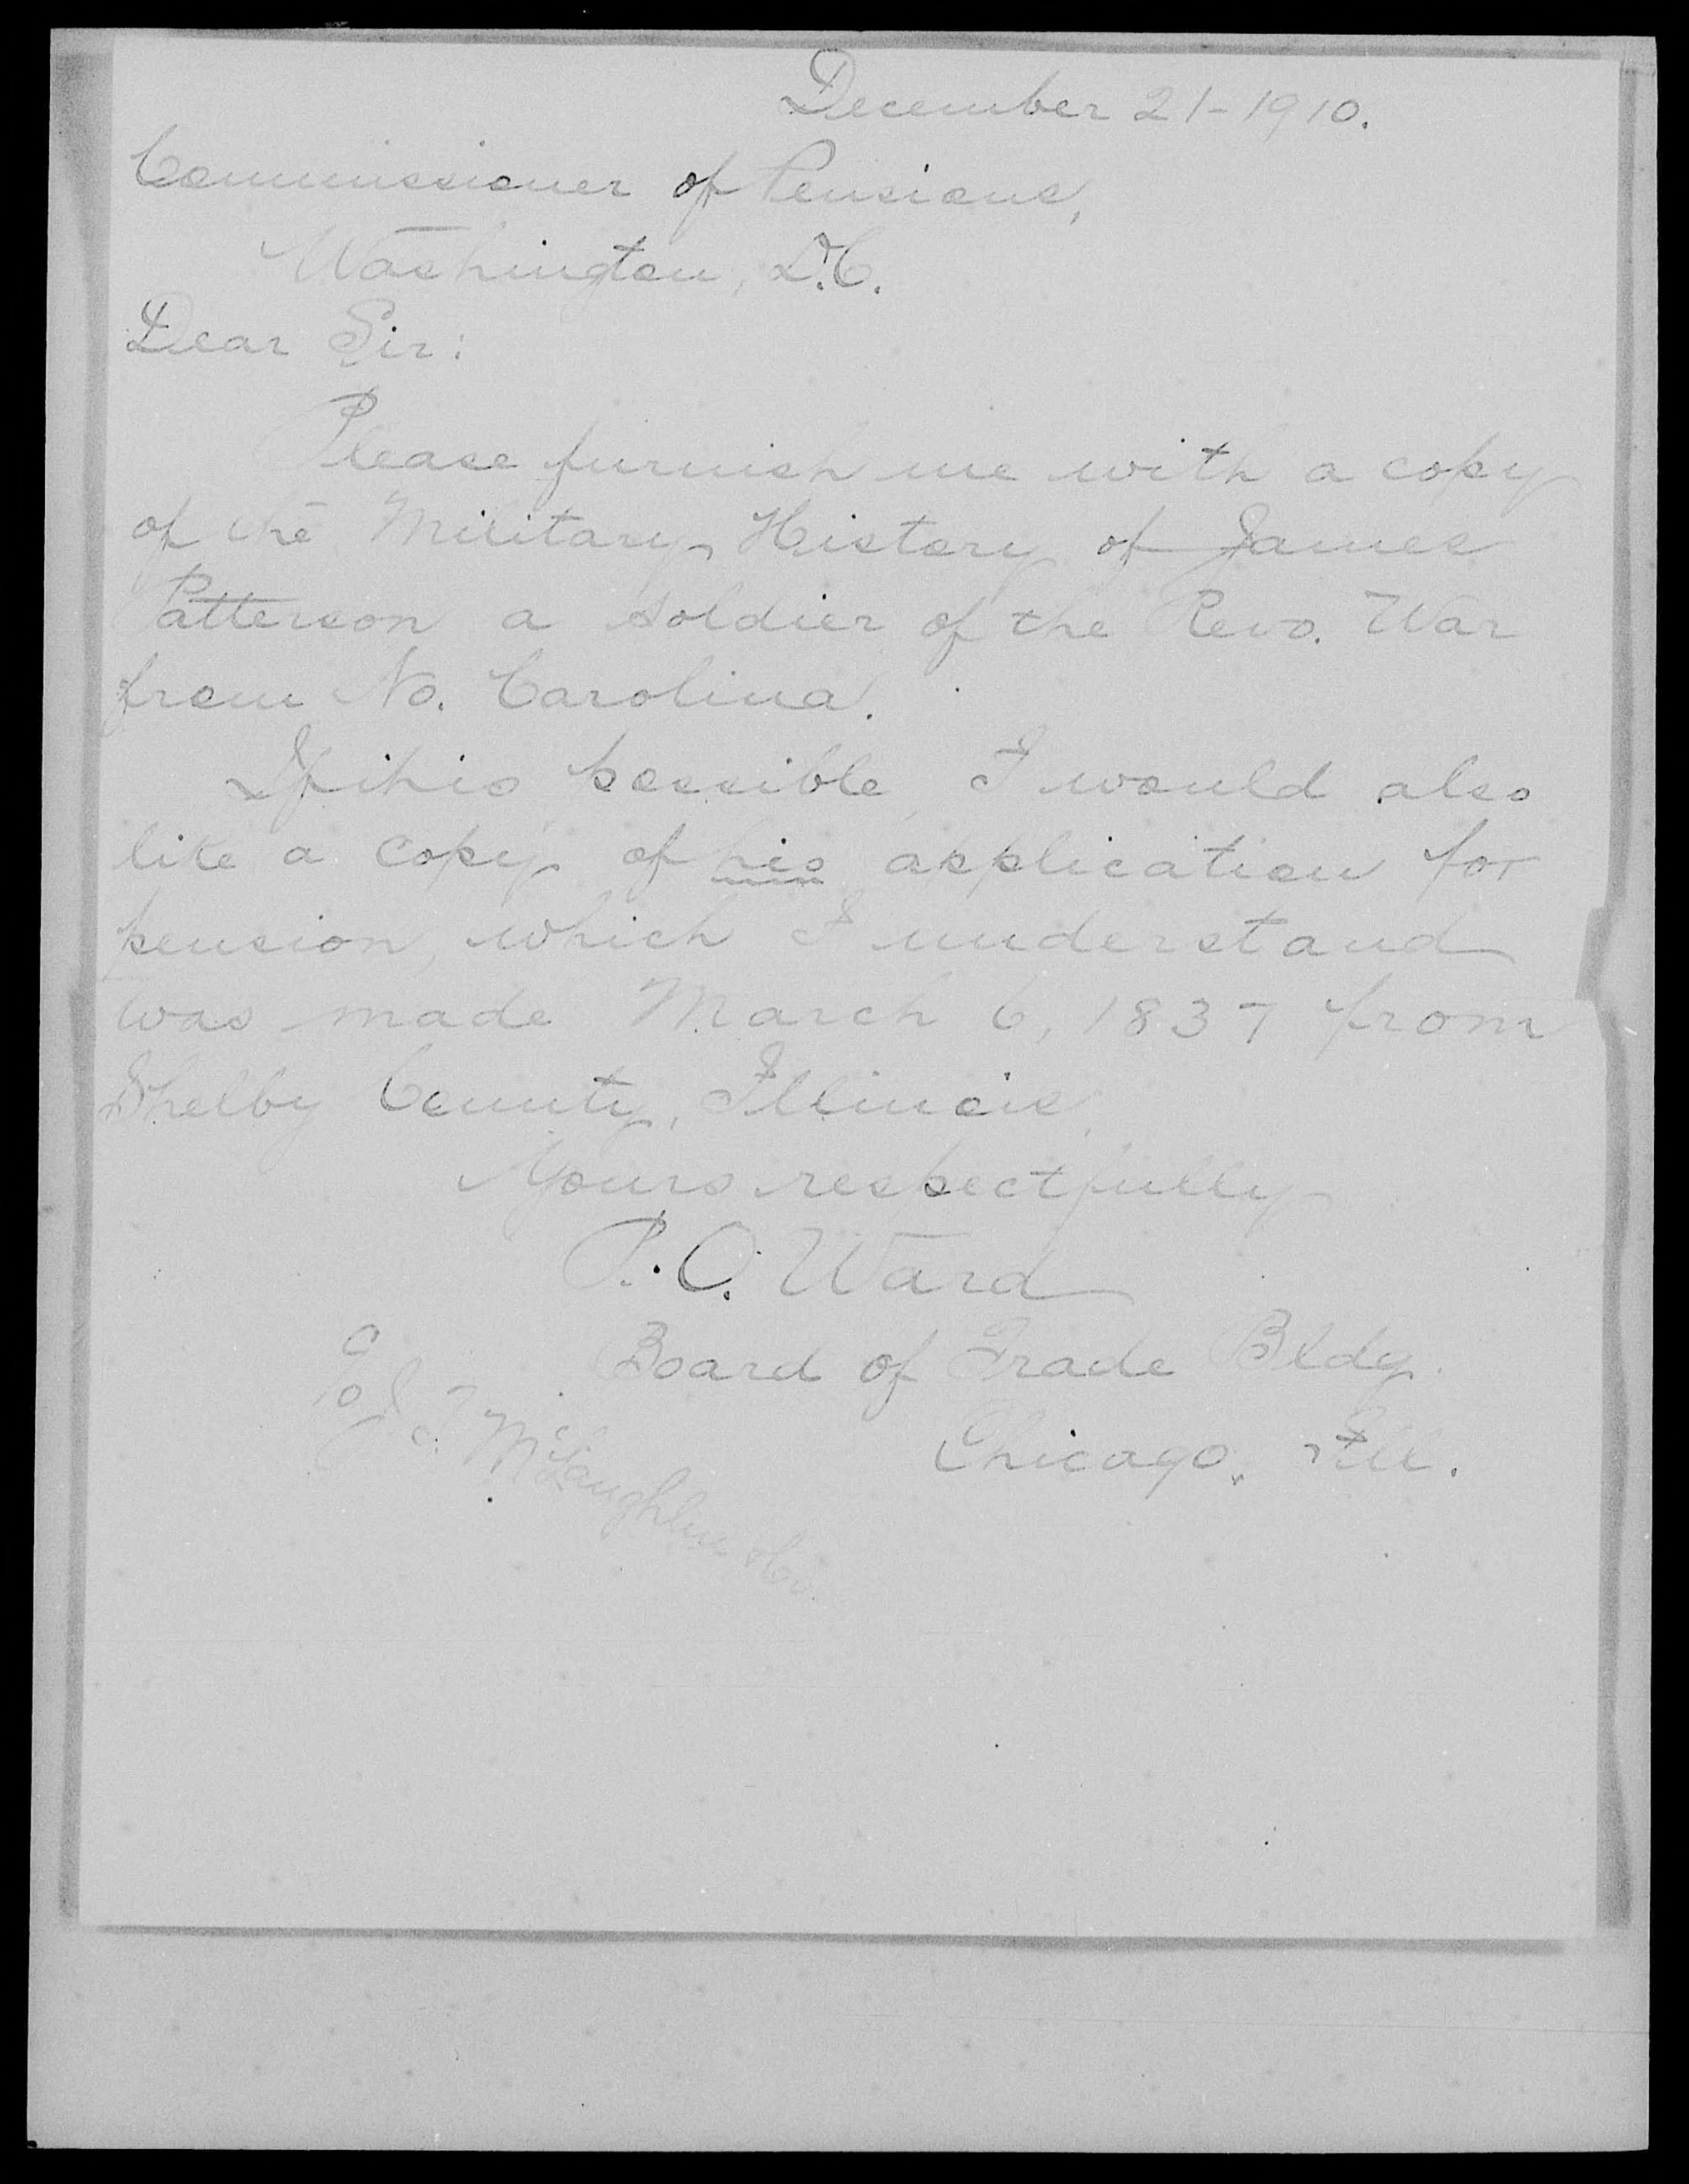December 21. 1910 
Commissioner of Pensions 
Washington, D.C. 
Dear Sir:
Please furnish me with a copy of the Military History of James Patterson a soldier of the Rev. War from No. Carolina 
If this possible, I would also like a copy of his application for pension which I understand was made March 6, 1837 from Shelby County, Illinois 
Yours respectfully
P.O. Ward
Board of Trade Bldg
Chicago, Ill.
c/o J T McLaughlin [illegible obi]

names: P O Ward; Jos T Mc Laughlin; James Patterson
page: 62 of 69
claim: widow's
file: W. 10861, for James Patterson, North Carolina